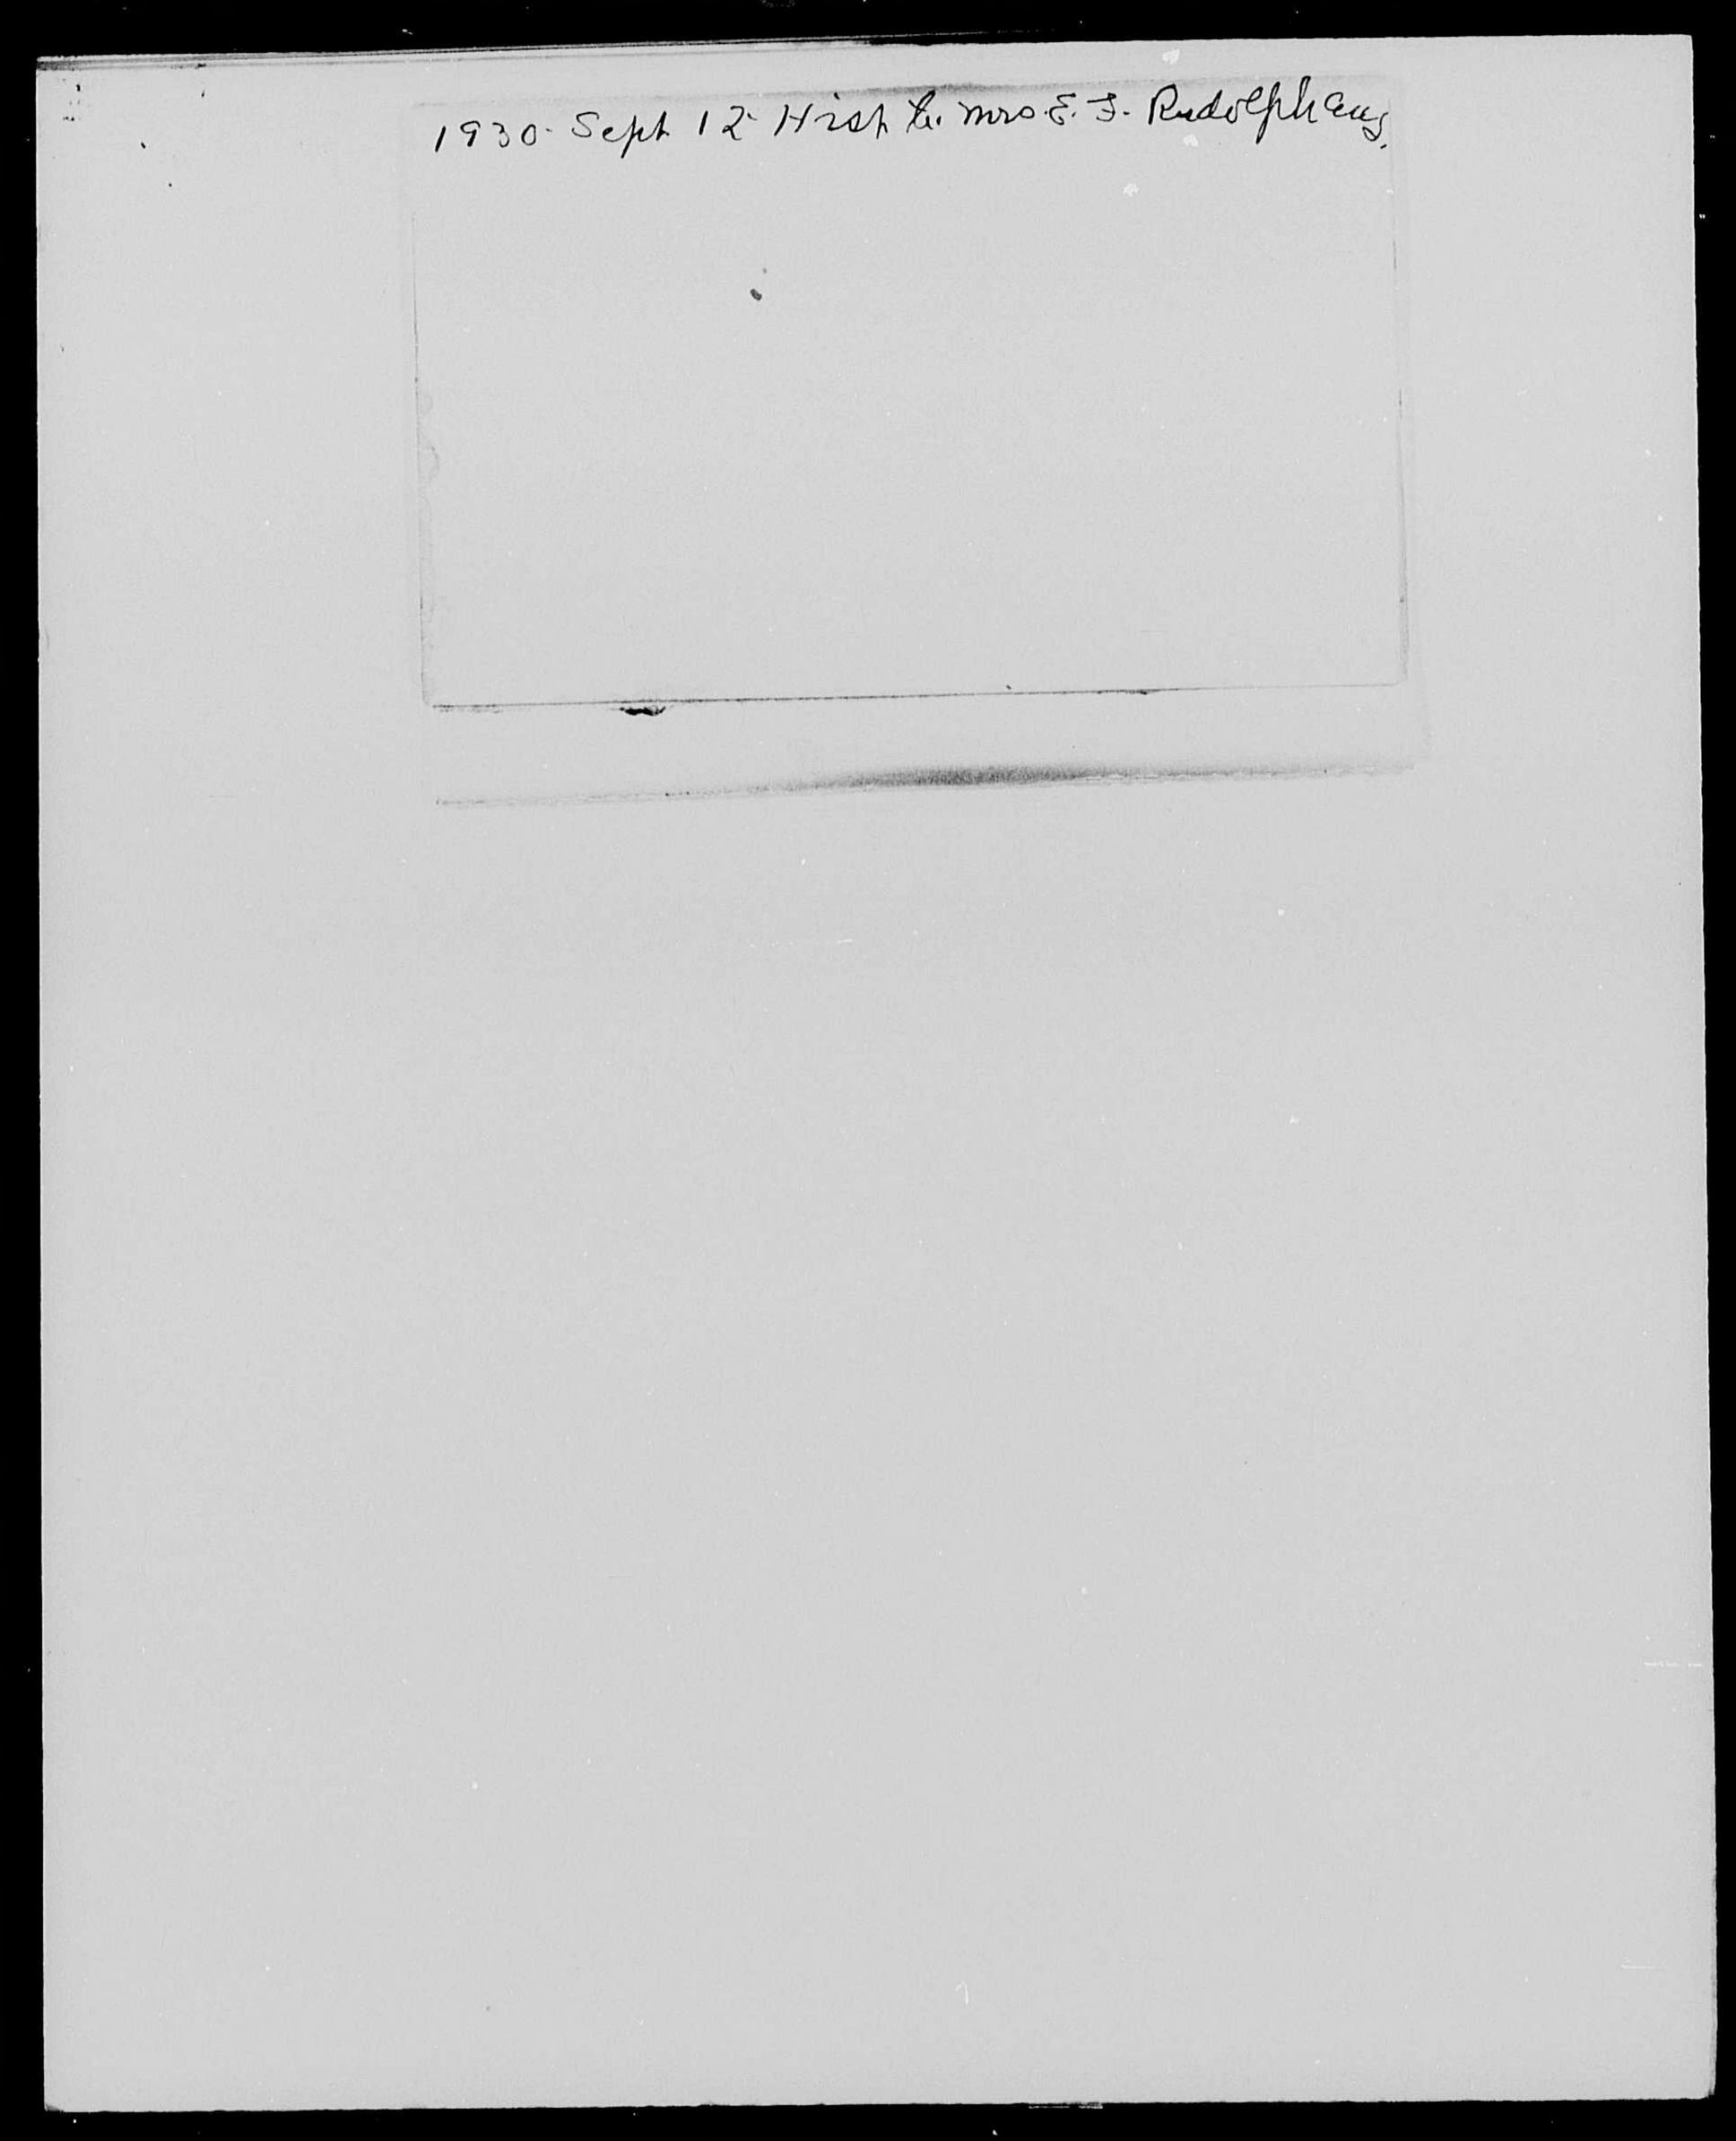1930- Sept 12 Hist to Mrs E. F Rudolph aus.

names: E F Rudolph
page: 10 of 23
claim: survivor's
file: S 35903, John Dunn, Va.